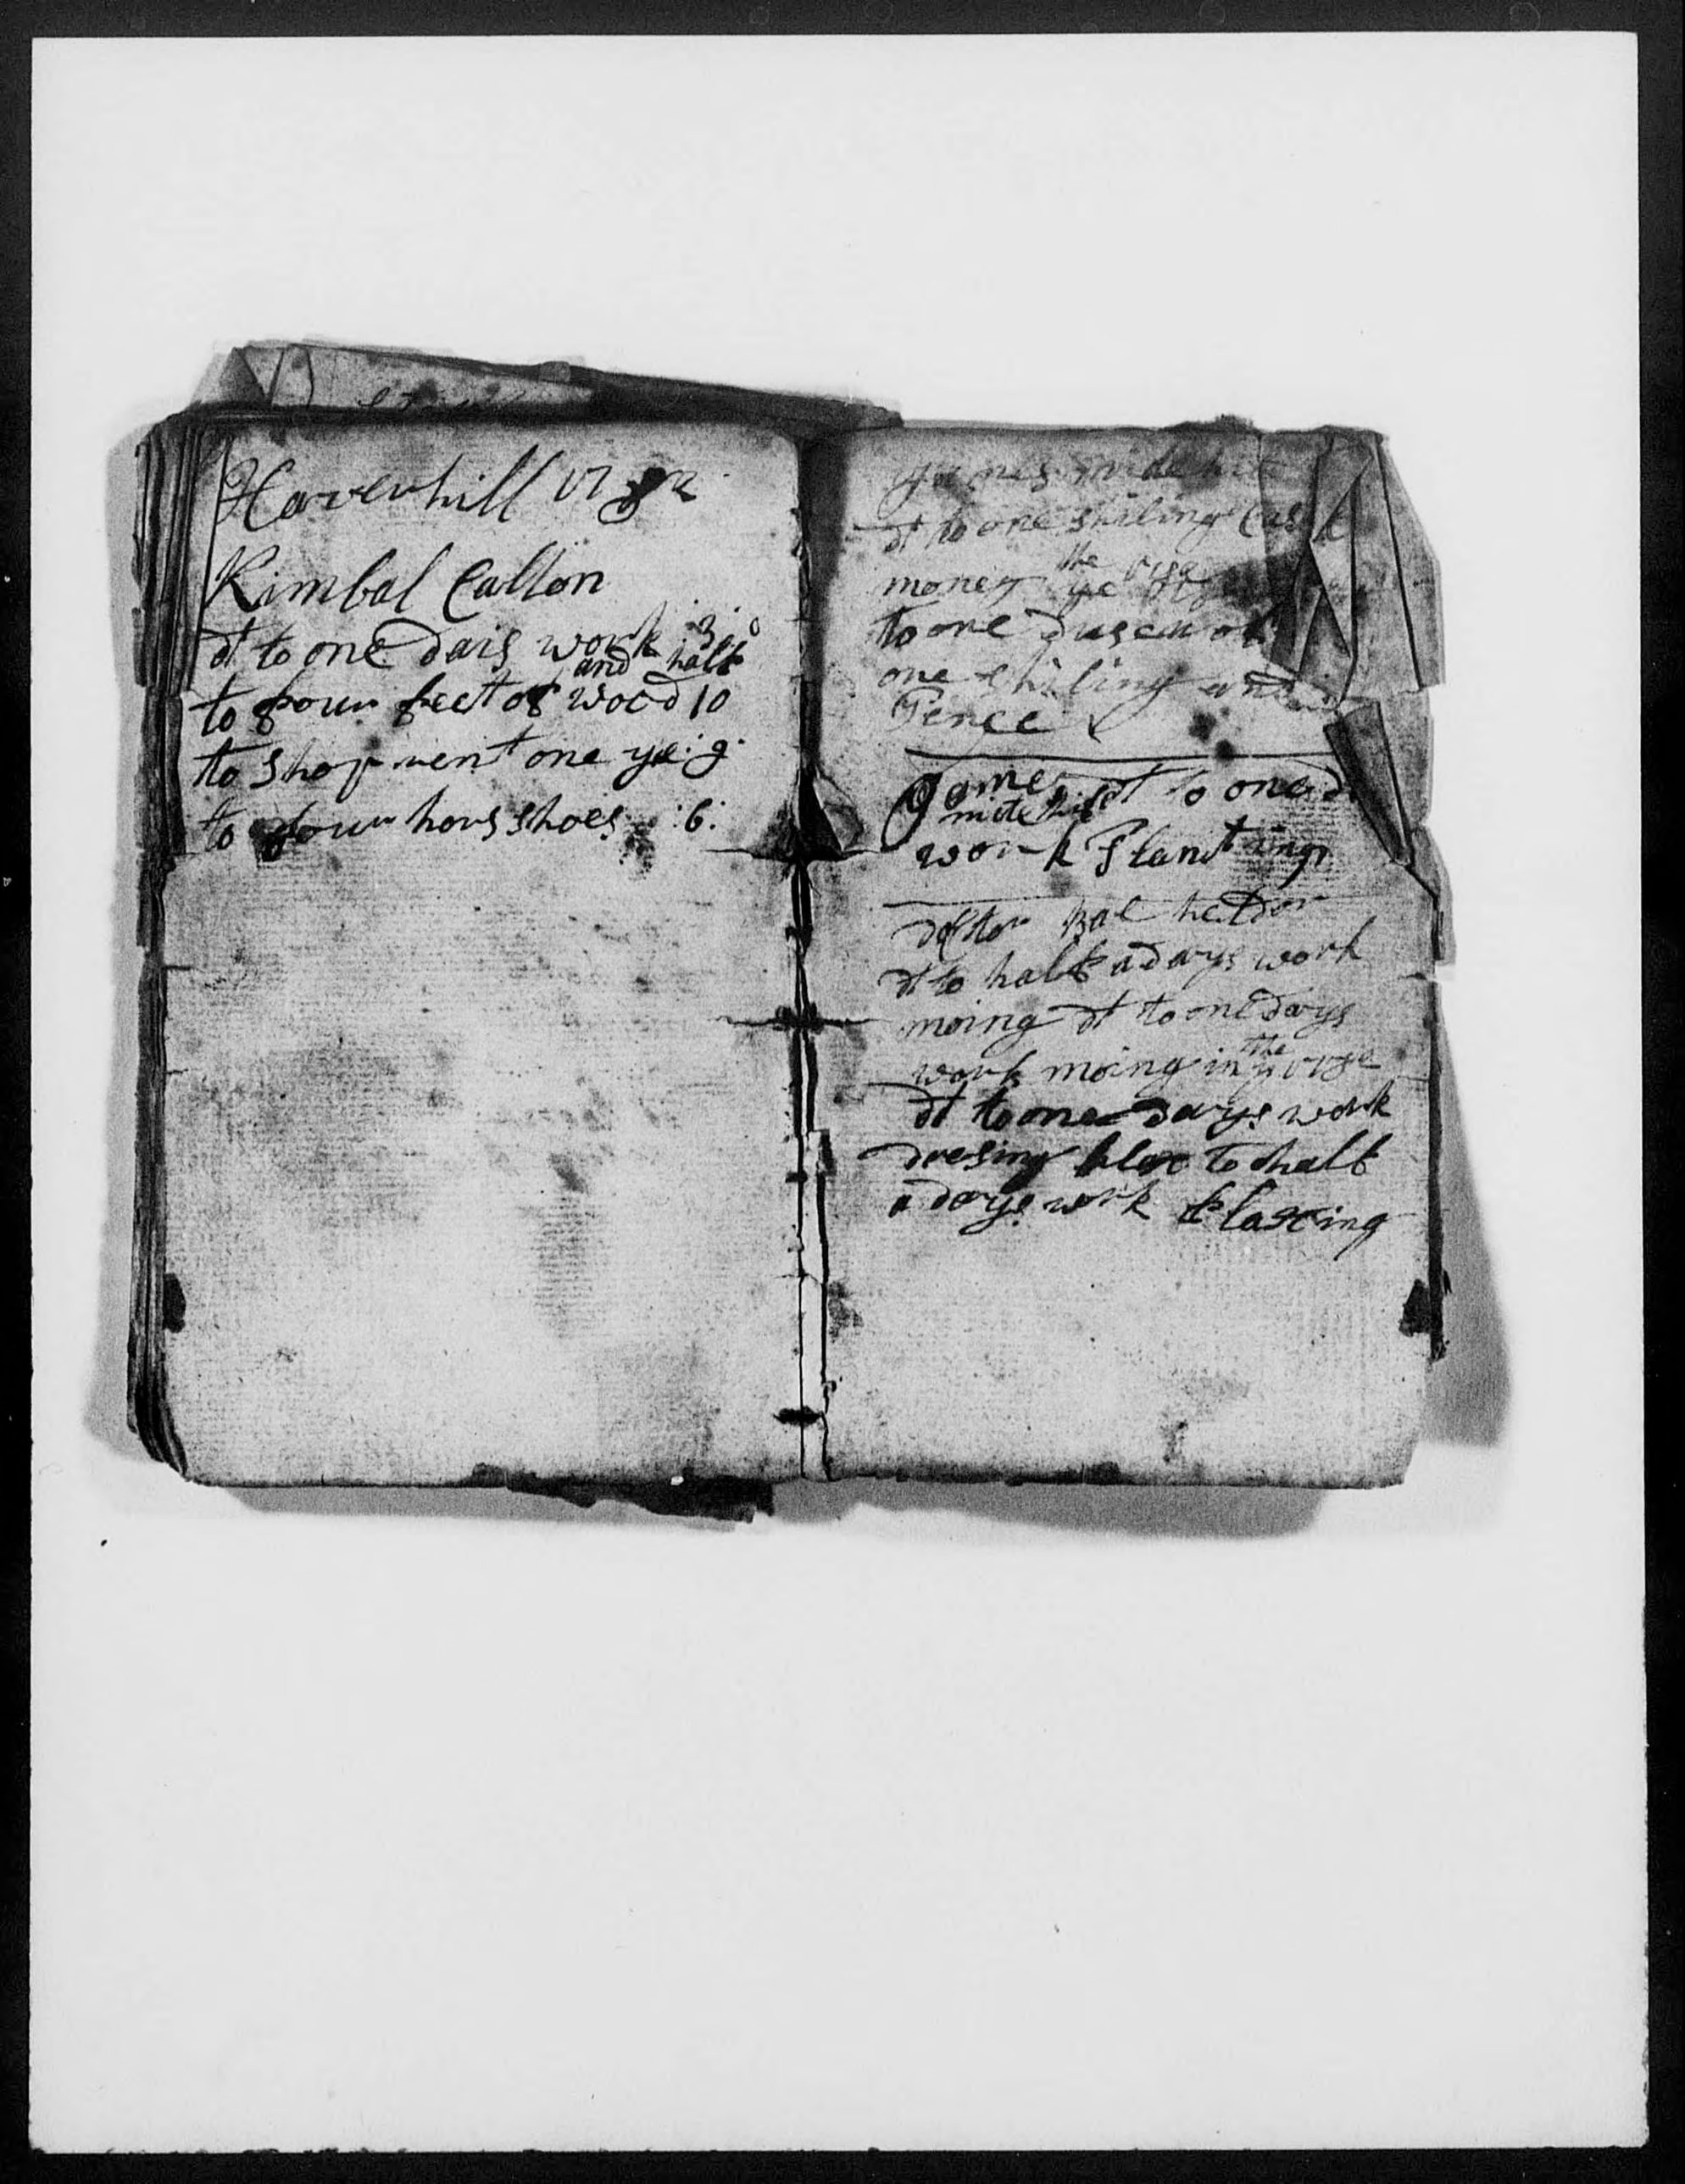[Left side]
Haverhill 1789
Kimball Calton
To one days work and half to four feet of wood 10
To [illegible] one yard 2
to four horseshoes 6

[Right side]
[illegible]
[illegible]
To one [illegible] cash money the [illegible]
To one [illegible]
One shilling [illegible] pence
James [illegible] to one [illegible] work planting.
To [illegible] [illegible]
To half a days work mowing and to one days work mowing in the year 178 [illegible]
To one days work dressing [sic] flax to half a days work planting.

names: James, Kimbal Calton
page: 21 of 34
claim: widow's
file: W. 20,896, Timothy Corless, Continental Mass